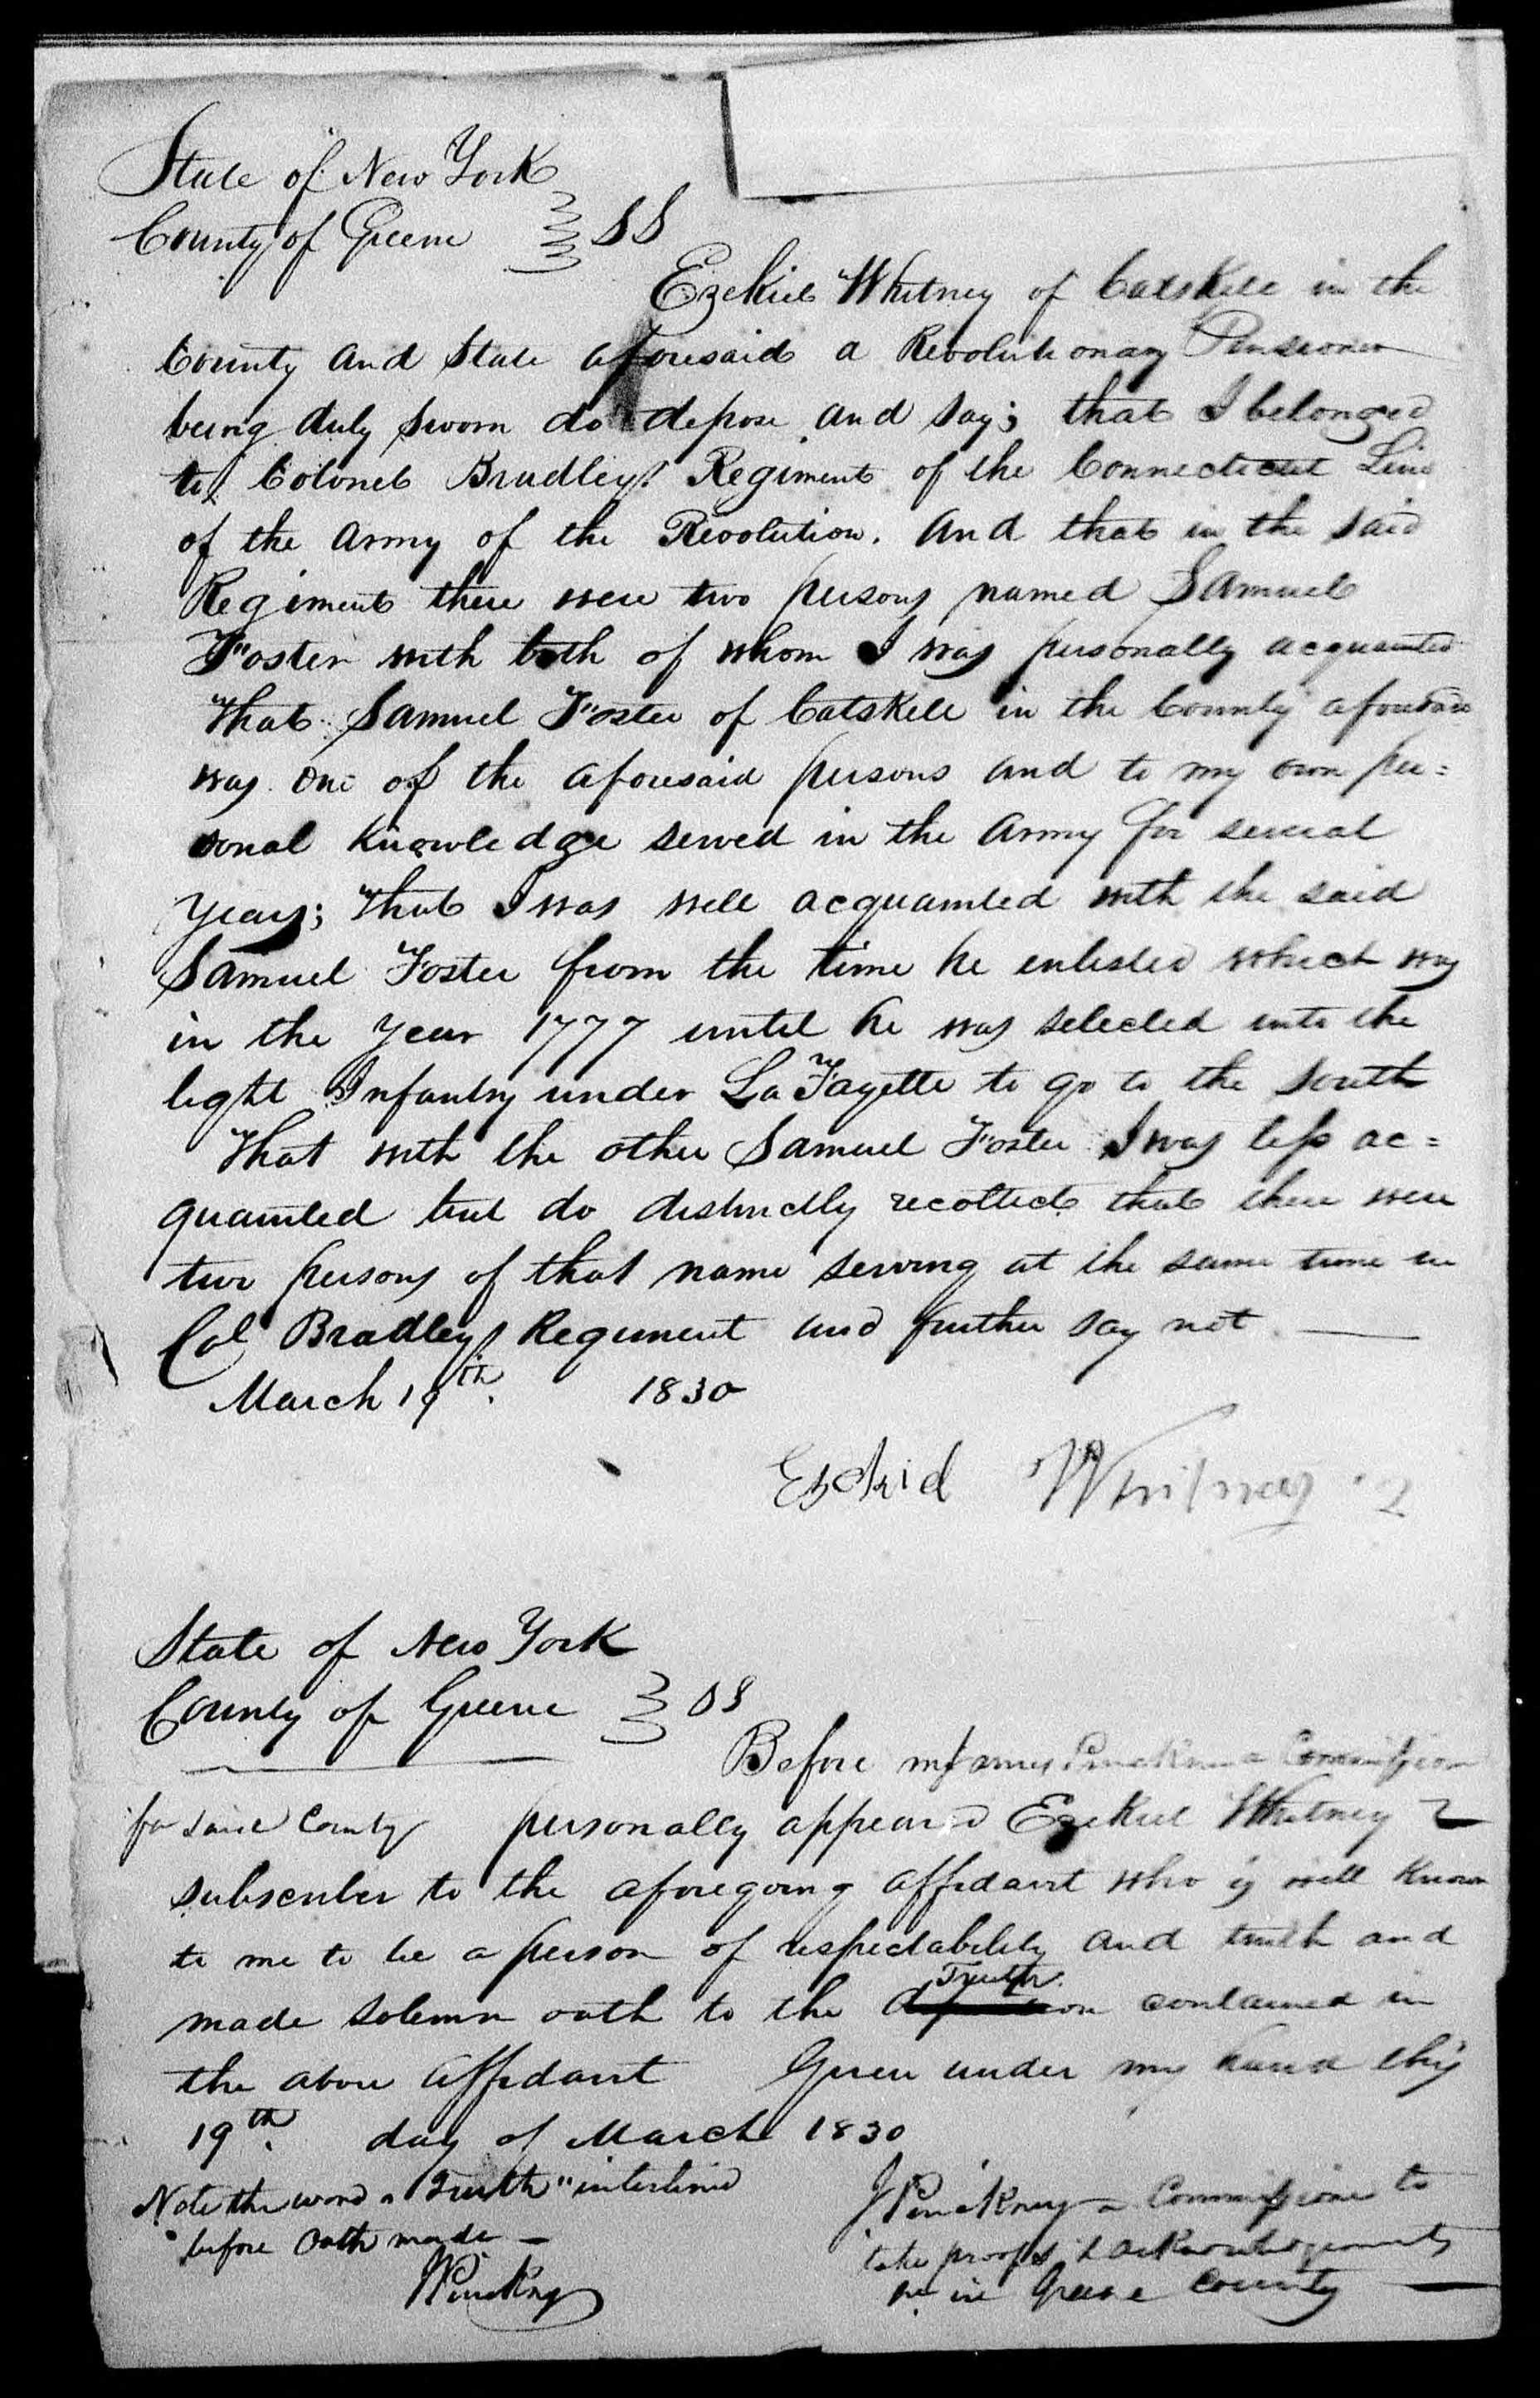State of New York
County of Greene } SS [top right section of page is missing]
Ezekiel Whitney of Catskill in the County and State aforesaid a Revolutionary Pensioner being duly Sworn do depose and say's that I belonged to Colonel Bradleys Regiment of the Connecticut Line of the Army of the Revolution. And that in the said Regiment their new two persons named Samuel Foster with both of whom I was personally acquainted
That Samuel Foster of Catskill in the County aforesaid was one of the aforesaid persons and to my own per=sonal knowledge served in the Army for several years; that I was well acquainted with the said Samuel Foster from the time he enlisted which was in the year 1777 until he was selected into the light Infantry under La Fayette to go to the south
That with the other Samuel Foster I was less ac=quainted but do distinctly recollect that there were two persons of that name serving at the same time in Col Bradlleys Regiment and further says not _
March 19th 1830
[signed] Ezekiel Whitney

State of New York
County of Greene } SS
Before mJames Pincknee a Commissioner of said County personally appeared Ezekiel Whitney subscriber to the aforegoing affidavit which is well known to me to be a person of respectability and truth and made solemn oath to the  [word crossed out] Truth contained in the above Affidavit Given under my hand this 19th day of March 1830
[signed] J Pinkney a Commissioner to take proofs & acknowledgements in Greene County
Note the word "Truth" interlinked before oath made [signed] JPinckney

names: Samuel Foster, Ezekiel Whitney, Ezekiel Whitney, Ezekiel Whitney, J Pinckny, James Pincknee, J Pinckney, La Fayette, Samuel Foster, Samuel Foster, Samuel Foster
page: 48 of 54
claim: survivor's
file: S. 13,043, Samuel Foster, Conn.